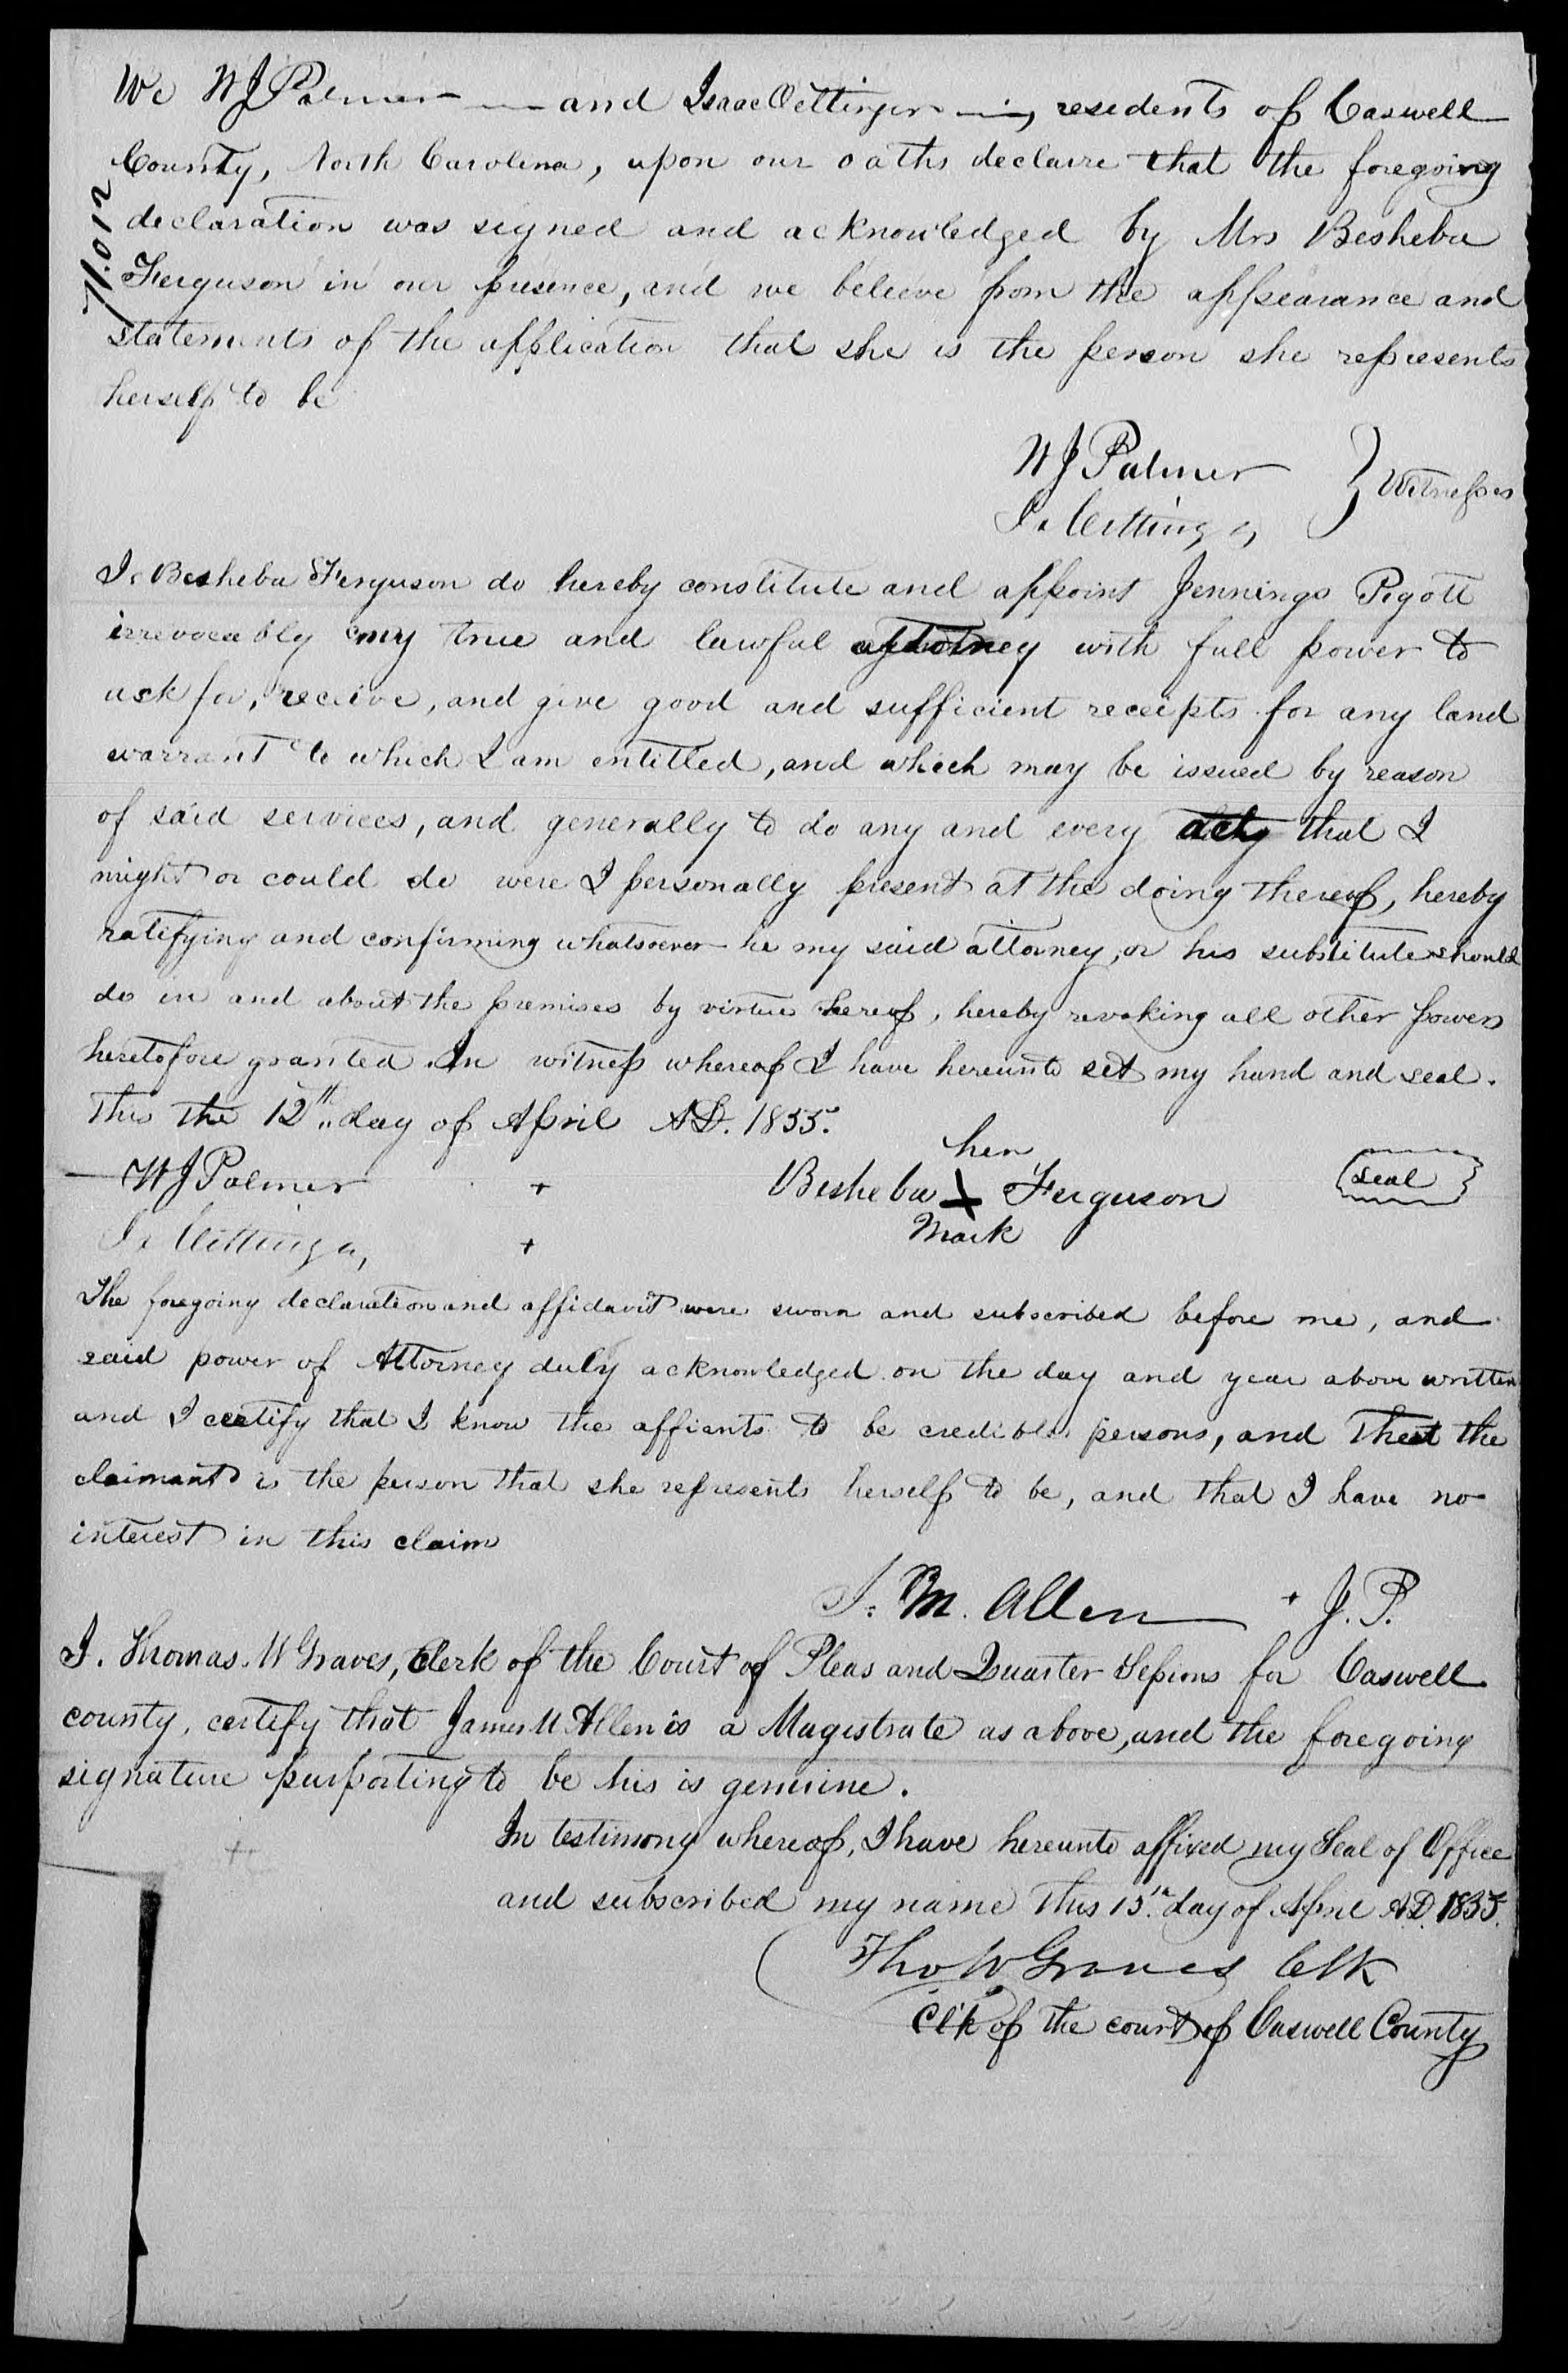We NJ Palmer and Isaac Lettings, as residents of Caswell County, Nother Carolina, upon our oaths declare tht the foregoing declaration was signed and acknowledged by Mrs Besheba Ferguson in our presence, and we believe from the appearance and statements of the application that she is the person she represents herself to be. 
NJ Palmer 
I Lettings }Witnessed

I, Besheba Ferguson do hereby constitute and appoint Jennings Pigott irrevocably my true and lawful attorney with full power to ask for, receive, and give good and sufficient receipts for any land warrant to which I am entitled, and which may be issued by reason of said services, and generally to do any and every act that I might or could do were I personally present at the doing thereof, hereby ratifying and confirming whatsoever he my said attorney, or his substitute should do in and about the premises by virtue hereof, hereby revoking all other powers heretofore granted in witness whereof I have hereunto set my hand and seal.
This the 12th day of April AD 1835.
NJ Palmer +  Besheba Ferguson x her mark  seal
I Lettings +
The foregoing declaration and affidavit were sworn and subscribed before me, and said power of Attorney duly acknowledged on the day and year above written and I certify that I know the officiants to be credible persons, and that the claimant is the person that she represents herself to be, and that I have no interest in this claim.
I.M. Allen + J.P. Caswell
I, Thomas M Graves, Clerk of the Court of Pleas and Quarter Sepions for Caswell county, certify that James M Allen is Magistrate as above, and the foregoing signature purporting to be his is genuine.
In testimony whereof, I have hereunto affixed my Seal of Office and subscribed my name this 15th day of April A.D. 1835.
Thomas Graves Clerk
Clerk of the court of  Caswell County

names: Tho W Graves, Besheba Ferguson, James M Allen, Besheba Ferguson, W J Palmer, Ja Oettinger, Jennings Pigott, Isaac Oettinger, Besheba Ferguson, W J Palmer, Ia Oettinger, W J Palmer, Thomas W Graves, J M Allen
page: 12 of 81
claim: widow's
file: W. 7262, Robert Ferguson, Va.